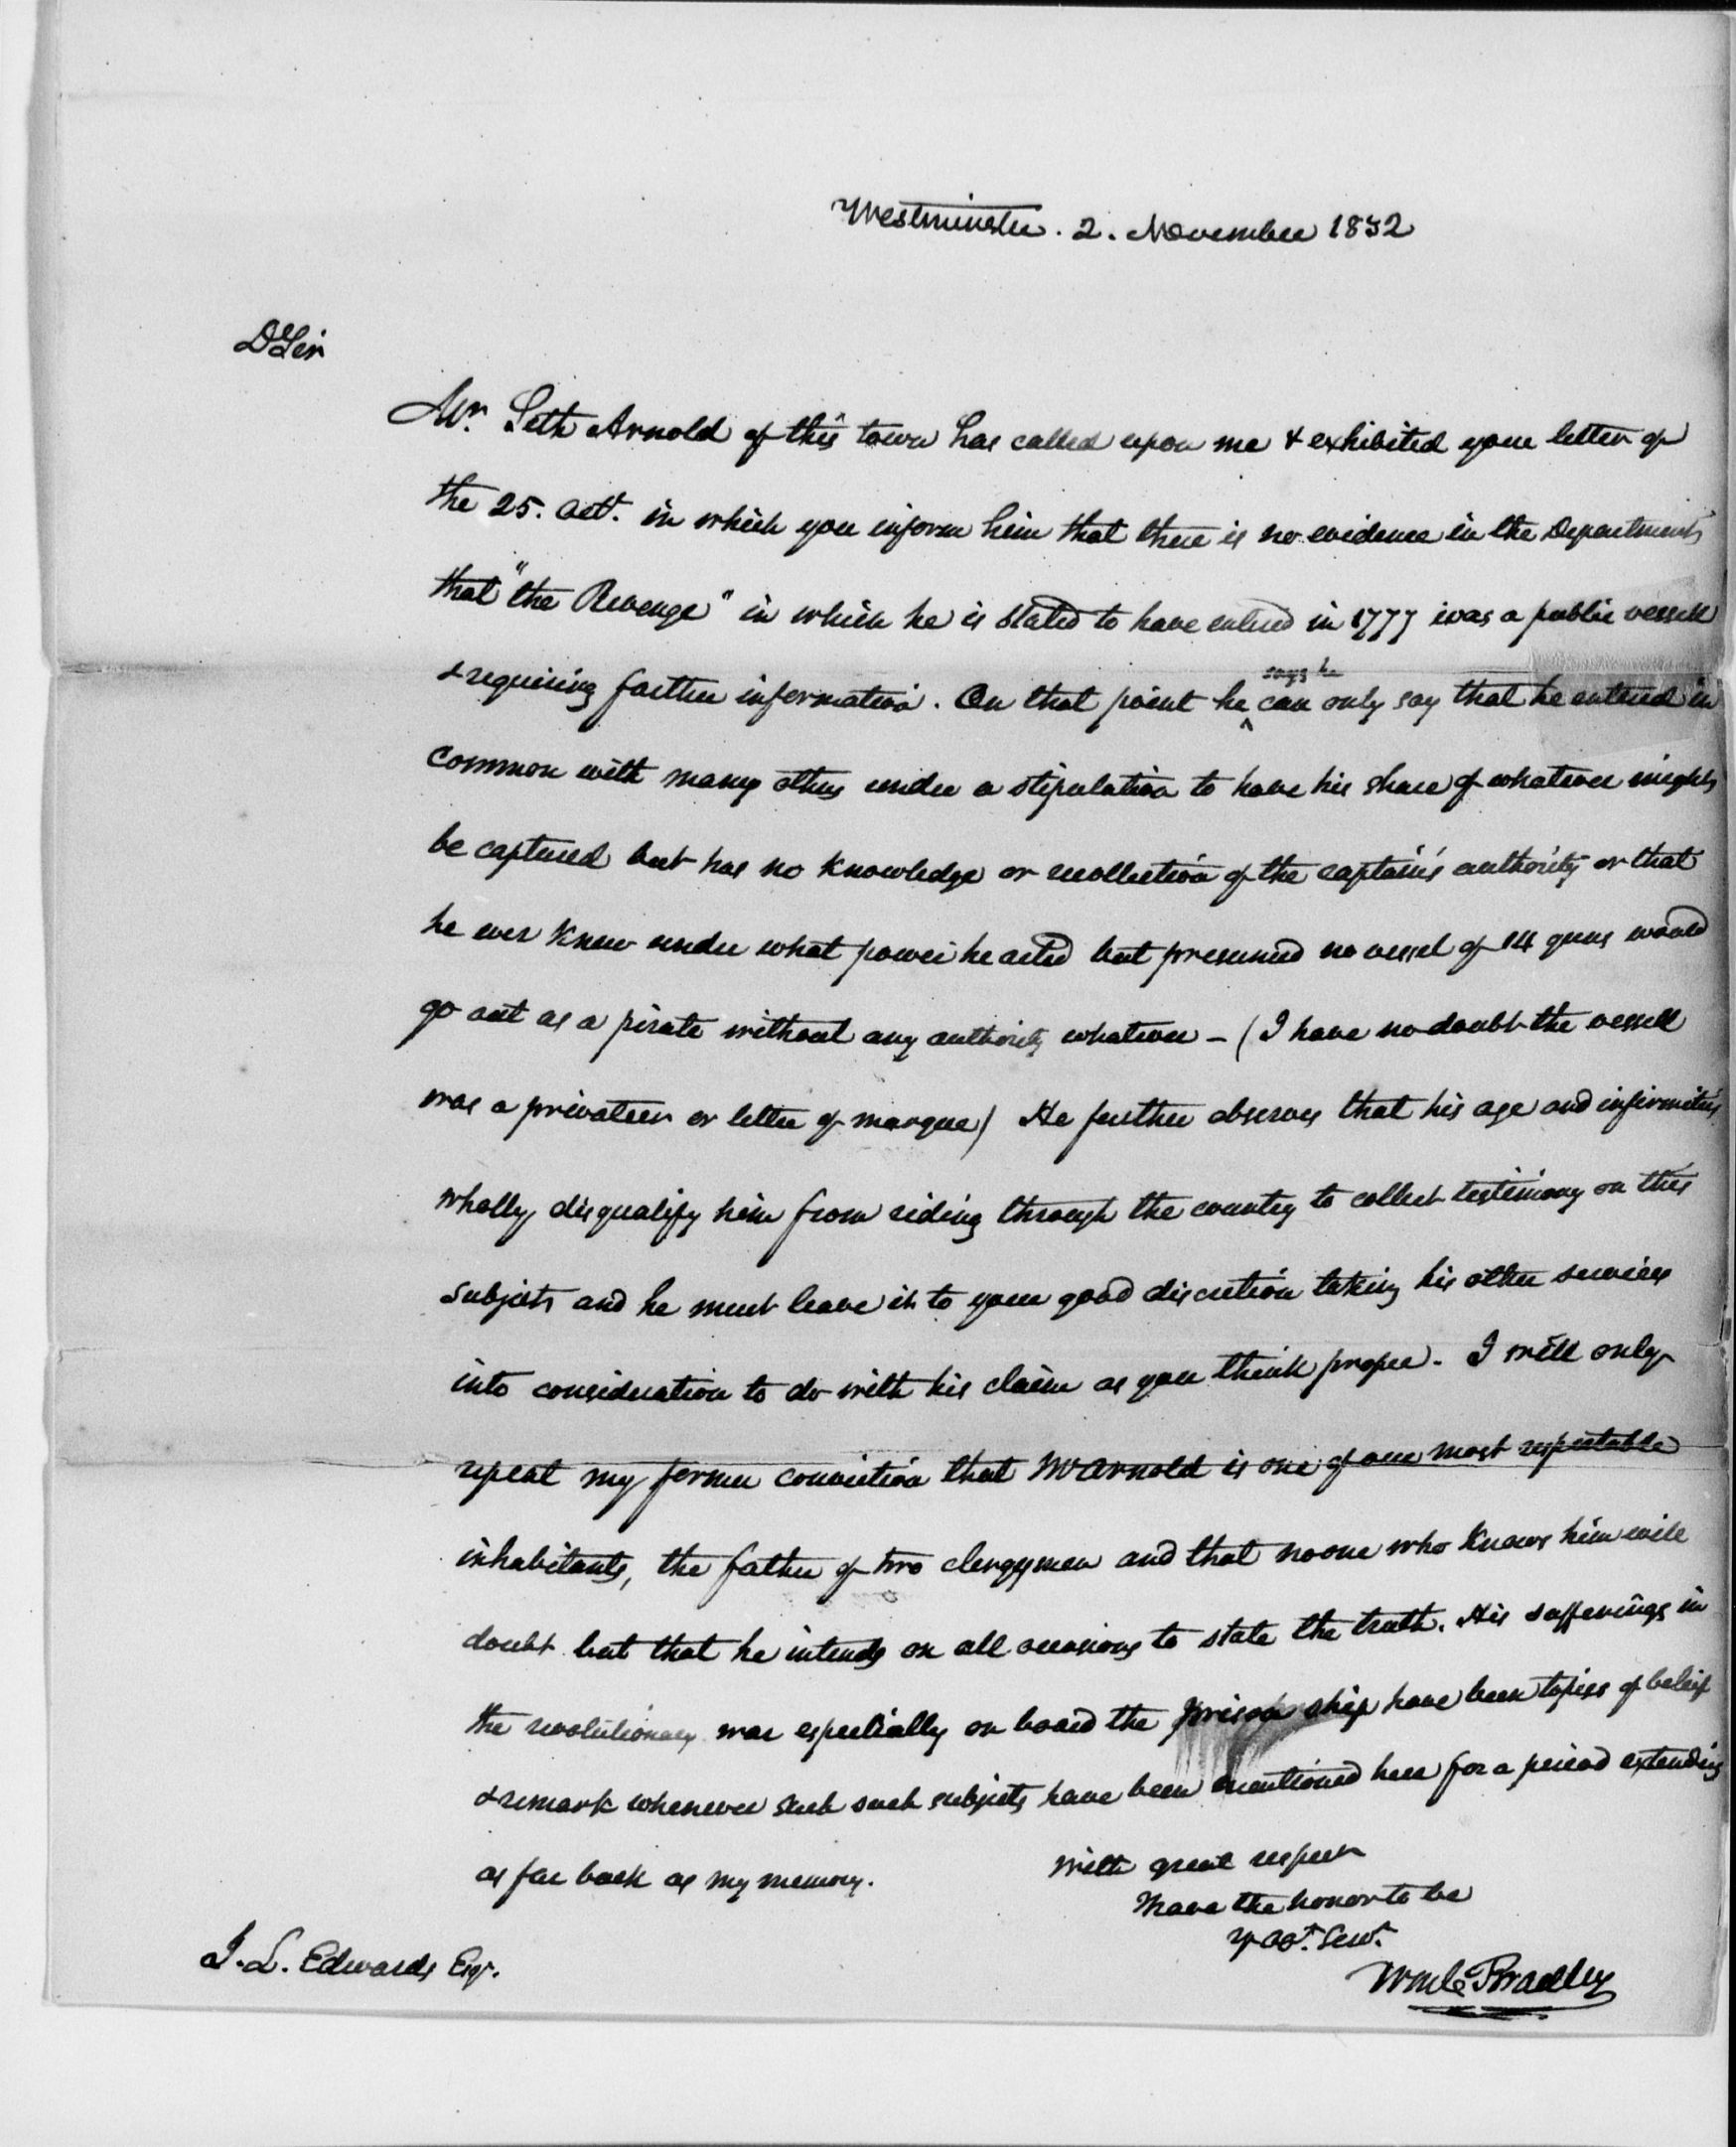Westminster 2 November 1832

D Sir
Mr. Seth Arnold of this town has called upon me & exhibited your letter of the 25. Oct. in which you inform him that there is no evidence in the Departments that "the Revenge" in which he is stated to have enlisted in 1777 was a public vessel & requiring further information.  On that point he says he can only say that he entered in common with many others under a stipulation to have his share of whatever might be captured but has no knowledge or recollection of the captain's authority or that he ever knew under what power he acted but presumed no vessel of 14 guns would go out as a pirate without any authority whatever - (I have no doubt that the vessel was a privateer or letter of marque) He further observes that his age and infirmity wholly disqualify him from riding through the county to collect testimony on the subject and he must leave it to your good discretion taking his other services into consideration to do with his claim as you think proper.  I will only repeat my former conviction that Mr. Arnold is one of our most respectable inhabitants, the father of two clergymen and that no one who knows him will doubt but that he intends on all occasions to state the truth.  His sufferings in the revolutionary war especially on board the prison ship have been topics of beleif {sic} & remark whenever [illegible] such subjects have been mentioned here for a period extending as far back as my memory.
With great respect
I have the honor to be 
Yr Ast. Servt.
Wmle Bradley

L.L. Edwards Esqr.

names: Wm C Bradley, J L Edwards, Arnold, Seth Arnold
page: 8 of 9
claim: survivor's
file: S. 18690, Seth Arnold, Conn. Privateer